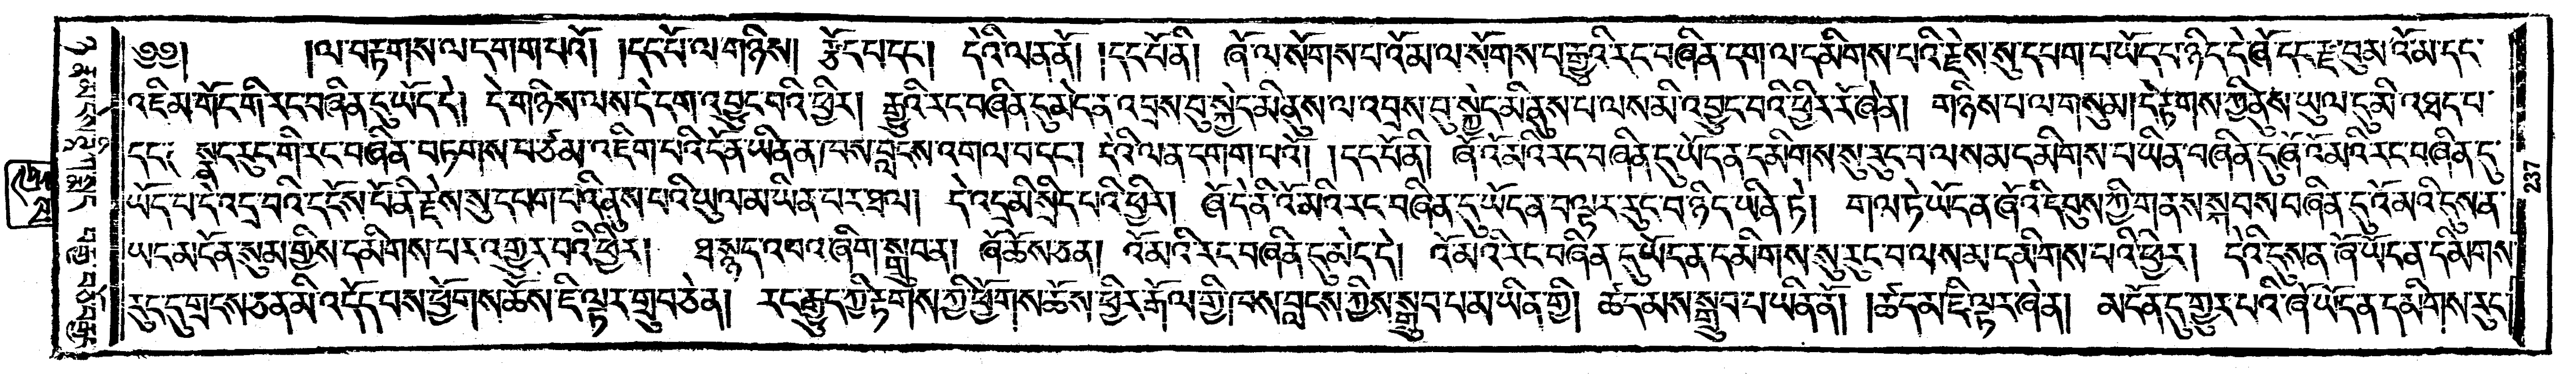༄༅། །ལ་བརྟགས་ལ་དགག་པའོ། །དང་པོ་ལ་གཉིས། རྩོད་པ་དང་། དེའི་ལན་ནོ། །དང་པོ་ནི། ཞོ་ལ་སོགས་པའོ་མ་ལ་སོགས་པ་རྒྱུའི་རང་བཞིན་དག་ལ་དམིགས་པའི་རྗེས་སུ་དཔག་པ་ཡོད་པ་ཉིད་དེ་ཞོ་དང་རྫ་བུམ་འོ་མ་དང་
འཇིམ་གོང་གི་རང་བཞིན་དུ་ཡོད་དེ། དེ་གཉིས་ལས་དེ་དག་འབྱུང་བའི་ཕྱིར། རྒྱུའི་རང་བཞིན་དུ་མེད་ན་འབྲས་བུ་སྐྱེད་མི་ནུས་ལ་འབྲས་བུ་སྐྱེད་མི་ནུས་པ་ལས་མི་འབྱུང་བའི་ཕྱིར་རོ་ཞེ་ན། གཉིས་པ་ལ་གསུམ། དེ་རྟགས་ཀྱི་ནུས་ཡུལ་དུ་མི་འཐད་པ་
དང༑ སྣང་རུང་གི་རང་བཞིན་བཏགས་པ་ཙམ་འཇིག་པའི་དོན་ཡིན་ན་ཁས་བླངས་འགལ་བ་དང་། དེའི་ལན་དགག་པའོ། །དང་པོ་ནི། ཞོ་འོ་མའི་རང་བཞིན་དུ་ཡོད་ན་དམིགས་སུ་རུང་བ་ལས་མ་དམིགས་པ་ཡིན་བཞིན་དུ་ཞོ་འོ་མའི་རང་བཞིན་དུ་
ཡོད་པ་དེ་འདྲ་བའི་དངོས་པོ་ནི་རྗེས་སུ་དཔག་པའི་ནུས་པའི་ཡུལ་མ་ཡིན་པར་ཐལ། དེ་འདྲ་མི་སྲིད་པའི་ཕྱིར། ཞོ་དེ་ནི་འོ་མའི་རང་བཞིན་དུ་ཡོད་ན་བལྟར་རུང་བ་ཉིད་ཡིན་ཏེ། གལ་ཏེ་ཡོད་ན་ཞོའི་དབུས་ཀྱི་གནས་སྐབས་བཞིན་དུ་འོ་མའི་དུས་ན་
ཡང་མངོན་སུམ་གྱིས་དམིགས་པར་འགྱུར་བའི་ཕྱིར། ཐ་སྙད་འབའ་ཞིག་སྒྲུབ་ན། ཞོ་ཆོས་ཅན། འོ་མའི་རང་བཞིན་དུ་མེད་དེ། འོ་མའི་རང་བཞིན་དུ་ཡོད་ན་དམིགས་སུ་རུང་བ་ལས་མ་དམིགས་པའི་ཕྱིར། དེའི་དུས་ན་ཞོ་ཡོང་ན་དམིགས་
རུང་དུ་གྲངས་ཅན་མི་འདོད་པས་ཕྱོགས་ཆོས་ཇི་ལྟར་གྲུབ་ཅེ་ན། རང་རྒྱུད་ཀྱི་རྟགས་ཀྱི་ཕྱོགས་ཆོས་ཕྱིར་རྒོལ་གྱི་ཁས་བླངས་ཀྱིས་སྒྲུབ་པ་མ་ཡིན་གྱི། ཚད་མས་སྒྲུབ་པ་ཡིན་ནོ། །ཚད་མ་ཇི་ལྟར་ཞེ་ན། མངོན་དུ་གྱུར་པའི་ཞོ་ཡོད་ན་དམིགས་རུང་